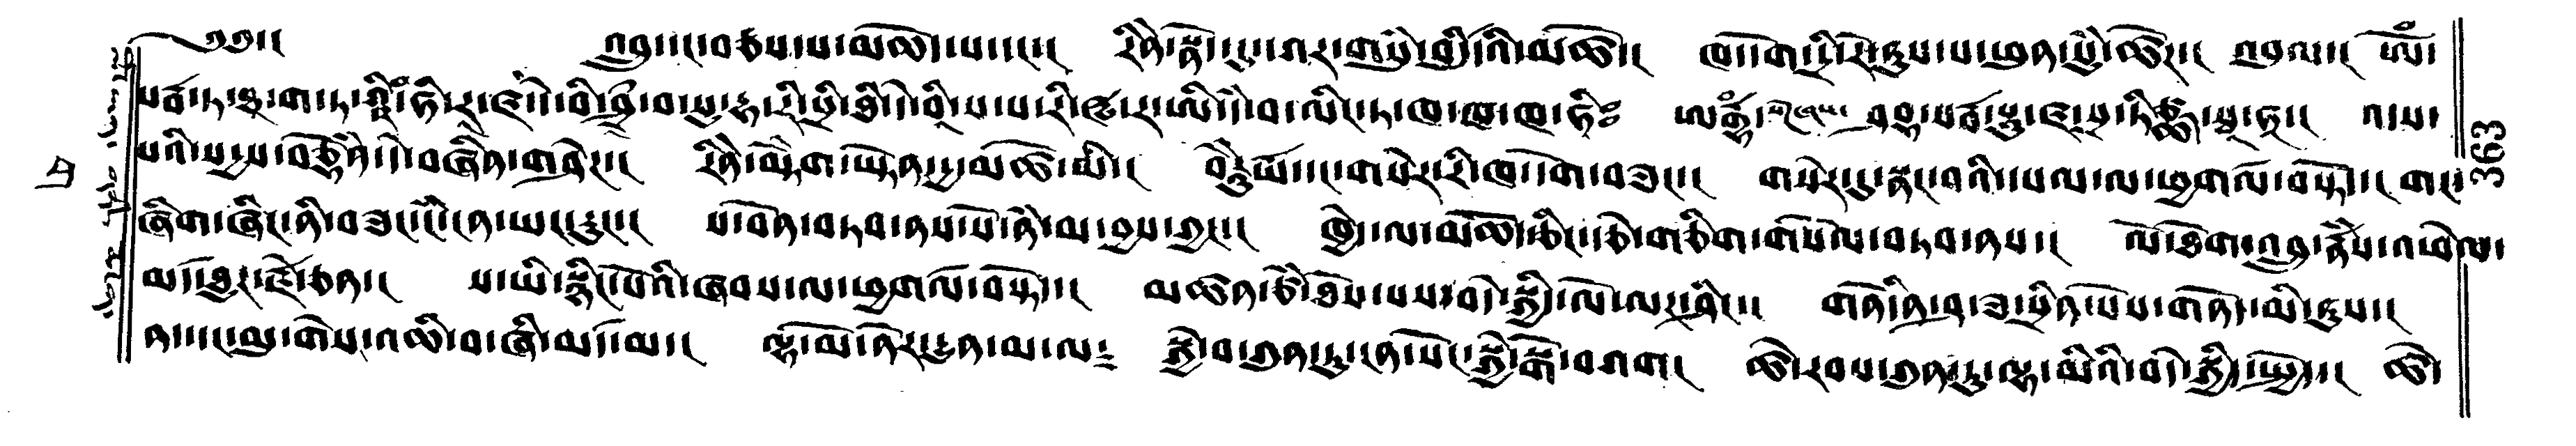འབྲུ་དང་བཅས་པ་མཆོ་པ་དང་། །རིན་ཆེན་སྣོད་དུ་དཀར་གསུམ་བདུད་རྩིའི་མཚོ། ཁ་དོག་དྲི་རོ་ནུས་པ་ཕུན་ཚོགས་འབུལ། ཨོཾ་
སརྦ་ཏ་ཐཱ་ག་ཏ་ཀྵིཾ་ཧི་རཱ་ཛ་དཱེ་བི་ཤྲཱི་བ་སུ་དྷ་རི་པྲི་ཐི་དཱེ་བཱི་ས་པ་རི་ཝ་ར་ཨི་དམ་བ་ལིང་ཏ་ཁ་ཁ་ཧིཿ ཨརྒྷཾ་སོགས་ནས་ཤབྟ་སརྦ་པཱུ་ཛ་པྲ་ཏིཙྪ་སྭཱ་ཧཱ། འདས་
པའི་སངས་རྒྱས་བཅོམ་ལྡན་དེ་བཞིན་གཤེགས། །རིན་ཆེན་མེ་ཏོག་ཡོན་ཏན་རྒྱ་མཚོ་མི། བཻཌཱུརྻ་དང་གསེར་རི་ཁ་དོག་བཟང་། །གསེར་དུ་སྣང་བའི་དཔལ་ལ་ཕྱག་འཚལ་བསྟོད། །གང་
ཞིག་ཞིང་ནི་བཟང་ངམ་ངན་ཡང་རུང་། །ས་བོན་བཏབ་ནས་སོ་ནམ་མ་བྱས་ཀྱང་། ཁྱེད་ལ་མཆོད་ཅིང་རྩེ་གཅིག་གསོལ་བཏབ་ནས། །ལོ་ཐོག་འབྲུ་རྣམས་འཕེལ་
མཛད་ཐུགས་རྗེ་ཅན། །ས་ཡི་སྙིང་པོའི་ཞབས་ལ་ཕྱག་འཚལ་བསྟོད། མཚན་ཙམ་ཐོས་པས་བདེ་སྐྱིད་ལོ་ལེགས་ཤིང་། །གནོད་བྱེད་ཤ་ཟ་སྲིན་པོས་གནོད་མི་ནུས། །
ནད་དང་མུ་གེས་འཆི་བ་ཞི་མཛད་མ། །ལྷ་མོ་ནོར་རྒྱུན་མ་ལ༴ སྐྱེ་བ་ཀུན་ཏུ་ངན་སོང་སྐྱེ་སྒོ་འགོག །ཚེ་རབས་ཀུན་ཏུ་ལྷ་མིའི་བདེ་སྐྱིད་སྤྱོད། །ཚེ་